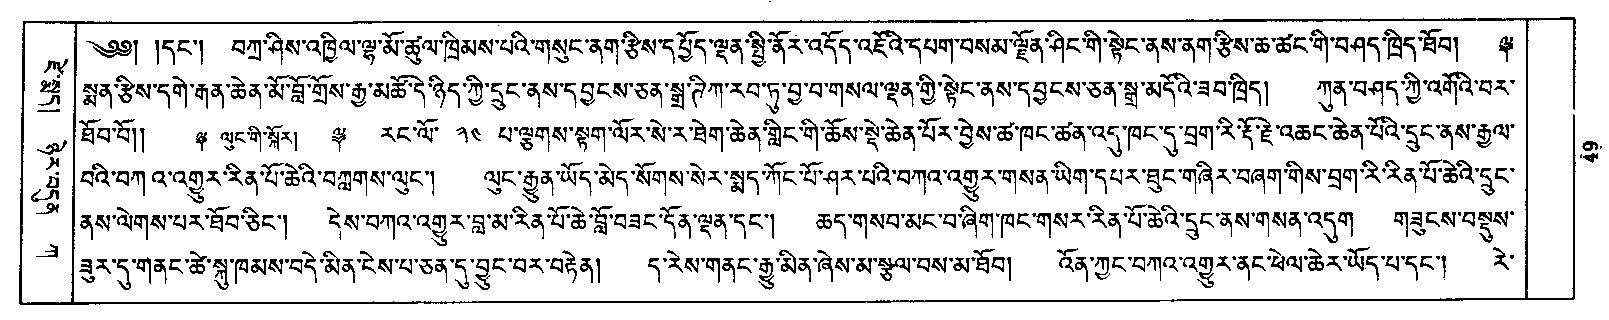༄༅། །དང་། བཀྲ་ཤིས་འཁྱིལ་ལྷ་མོ་ཚུལ་ཁྲིམས་པའི་གསུང་ནག་རྩིས་དཔྱོད་ལྡན་སྤྱི་ནོར་འདོད་འཇོའི་དཔག་བསམ་ལྗོན་ཤིང་གི་སྟེང་ནས་ནག་རྩིས་ཆ་ཚང་གི་བཤད་ཁྲིད་ཐོབ། ༈
སྨན་རྩིས་དགེ་རྒན་ཆེན་མོ་བློ་གྲོས་རྒྱ་མཚོ་དེ་ཉིད་ཀྱི་དྲུང་ནས་དབྱངས་ཅན་སྒྲ་ཊི་ཀ་རབ་ཏུ་བྱ་བ་གསལ་ལྡན་གྱི་སྟེང་ནས་དབྱངས་ཅན་སྒྲ་མདོའི་ཟབ་ཁྲིད། ཀུན་བཤད་ཀྱི་འགོའི་བར་
ཐོབ་བོ།། ༈ ལུང་གི་སྐོར། ༈ རང་ལོ ༢༤་པ་ལྕགས་སྟག་ལོར་སེ་ར་ཐེག་ཆེན་གླིང་གི་ཆོས་སྡེ་ཆེན་པོར་བྱེས་ཚ་ཁང་ཚན་འདུ་ཁང་དུ་བྲག་རི་རྡོ་རྗེ་འཆང་ཆེན་པོའི་དྲུང་ནས་རྒྱལ་
བའི་བཀའ་འགྱུར་རིན་པོ་ཆེའི་བཀླགས་ལུང་། ལུང་རྒྱུན་ཡོད་མེད་སོགས་སེར་སྨད་ཀོང་པོ་ཤར་པའི་བཀའ་འགྱུར་གསན་ཡིག་དཔར་ཐུང་གཞིར་བཞག་གིས་བྲག་རི་རིན་པོ་ཆེའི་དྲུང་
ནས་ལེགས་པར་ཐོབ་ཅིང་། དེས་བཀའ་འགྱུར་བླ་མ་རིན་པོ་ཆེ་བློ་བཟང་དོན་ལྡན་དང་། ཆད་གསབ་མང་བ་ཞིག་ཁང་གསར་རིན་པོ་ཆེའི་དྲུང་ནས་གསན་འདུག་གཟུངས་བསྡུས་
ཟུར་དུ་གནང་ཚེ་སྐུ་ཁམས་བདེ་མིན་ངེས་པ་ཅན་དུ་བྱུང་བར་བརྟེན། ད་རེས་གནང་རྒྱུ་མིན་ཞེས་མ་སྩལ་བས་མ་ཐོབ། འོན་ཀྱང་བཀའ་འགྱུར་ནང་ཕེལ་ཆེར་ཡོད་པ་དང་། རེ་